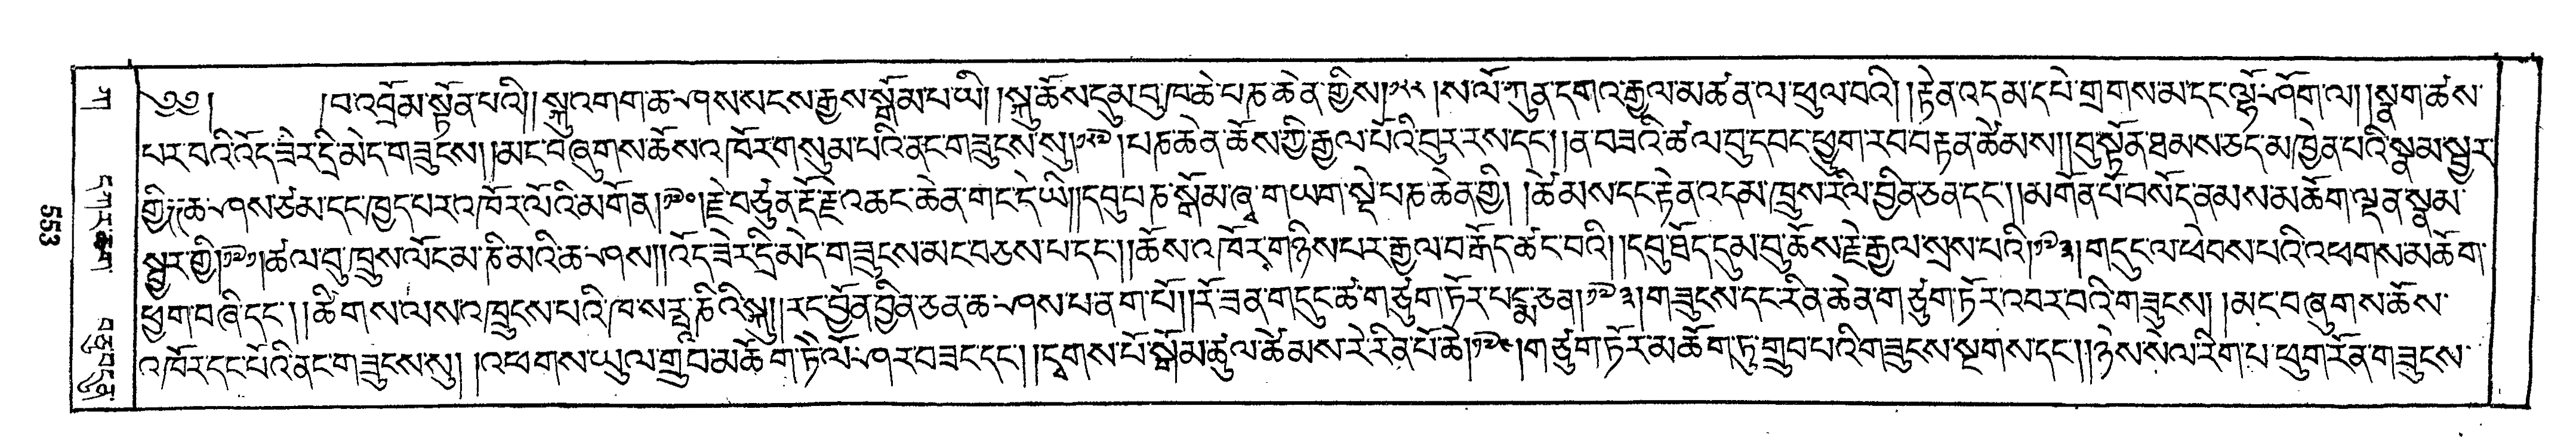༄༅། །བ་འབྲོམ་སྟོན་པའི། །སྐུ་འགག་ཆ་ཤས་སངས་རྒྱས་སྒོམ་པ་ཡི། །སྐུ་ཆོས་དུམ་བུ་ཁ་ཆེ་པཎ་ཆེན་གྱིས། ༡༨༨་།ས་ལོ་ཀུན་དགའ་རྒྱལ་མཚན་ལ་ཕུལ་བའི། །རྟེན་འདམ་དཔེ་གྲགས་མ་དང་ལྷོ་ཤོག་ལ། །སྣག་ཚས་
པར་བའི་འོད་ཟེར་དྲི་མེད་གཟུངས། །མང་བཞུགས་ཆོས་འཁོར་གསུམ་པའི་ནང་གཟུངས་སུ། ༡༨༧་།པཎ་ཆེན་ཆོས་ཀྱི་རྒྱལ་པོའི་བུར་རས་དང་། །ན་བཟའི་ཚལ་བུ་དབང་ཕྱུག་རབ་བརྟན་ཚེམས། །བུ་སྟོན་ཐམས་ཅད་མཁྱེན་པའི་སྣམ་སྦྱར་
གྱི༑ ༑ཆ་ཤས་ཙམ་དང་ཁྱད་པར་འཁོར་ལོའི་མགོན། ༡༧༠་།རྗེ་བཙུན་རྡོ་རྗེ་འཆང་ཆེན་གང་དེ་ཡི། །དབུ་པཎ་སྒོམ་ཞྭ་གཡག་སྡེ་པཎ་ཆེན་གྱི། །ཚེམས་དང་རྟེན་འདམ་ཁྲུས་རིལ་བྱིན་ཅན་དང་། །མགོན་པོ་བསོད་ནམས་མཆོག་ལྡན་སྣམ་
སྦྱར་གྱི། ༡༧༡་།ཚལ་བུ་ཁྲུས་ལོང་མ་ཎི་མའི་ཆ་ཤས། །འོད་ཟེར་དྲི་མེད་གཟུངས་མང་བཅས་པ་དང་། །ཆོས་འཁོར་གཉིས་པར་རྒྱལ་བ་རྒོད་ཚང་པའི། །དབུ་ཐོད་དུ་མ་བུ་ཆོས་རྗེ་རྒྱལ་སྲས་པའི། ༡༧༡་།གདུང་ལ་ཕེབས་པའི་འཕགས་མཆོག་
ཕྱག་བཞི་དང་། །ཚིགས་ལས་འཁྲུངས་པའི་ཁ་སརྤཱ་ཎིའི་སྐུ། །རང་བྱོན་བྱིན་ཅན་ཆ་ཤས་པ་ནག་པོ། །རོ་ཟན་གདུང་ཚ་གཙུག་ཏོར་པདམ་ཅན། ༡༧༢་།གཟུངས་དང་རིན་ཆེན་གཙུག་ཏོར་འབར་བའི་གཟུངས། །མང་བཞུགས་ཆོས་
འཁོར་དང་པོའི་ནང་གཟུངས་སུ། །འཕགས་ཡུལ་གྲུབ་མཆོག་ཏཻ་ལོ་ཤེར་བཟང་དང་། །དྭགས་པོ་སྒོམ་ཚུལ་ཚེམས་རེ་རིན་པོ་ཆེ། ༡༧༤་གཙུག་ཏོར་མཆོག་ཏུ་གྲུབ་པའི་གཟུགས་སྔགས་དང་། །ཉེས་སེལ་རིག་པ་ཕུག་རོན་གཟུངས་